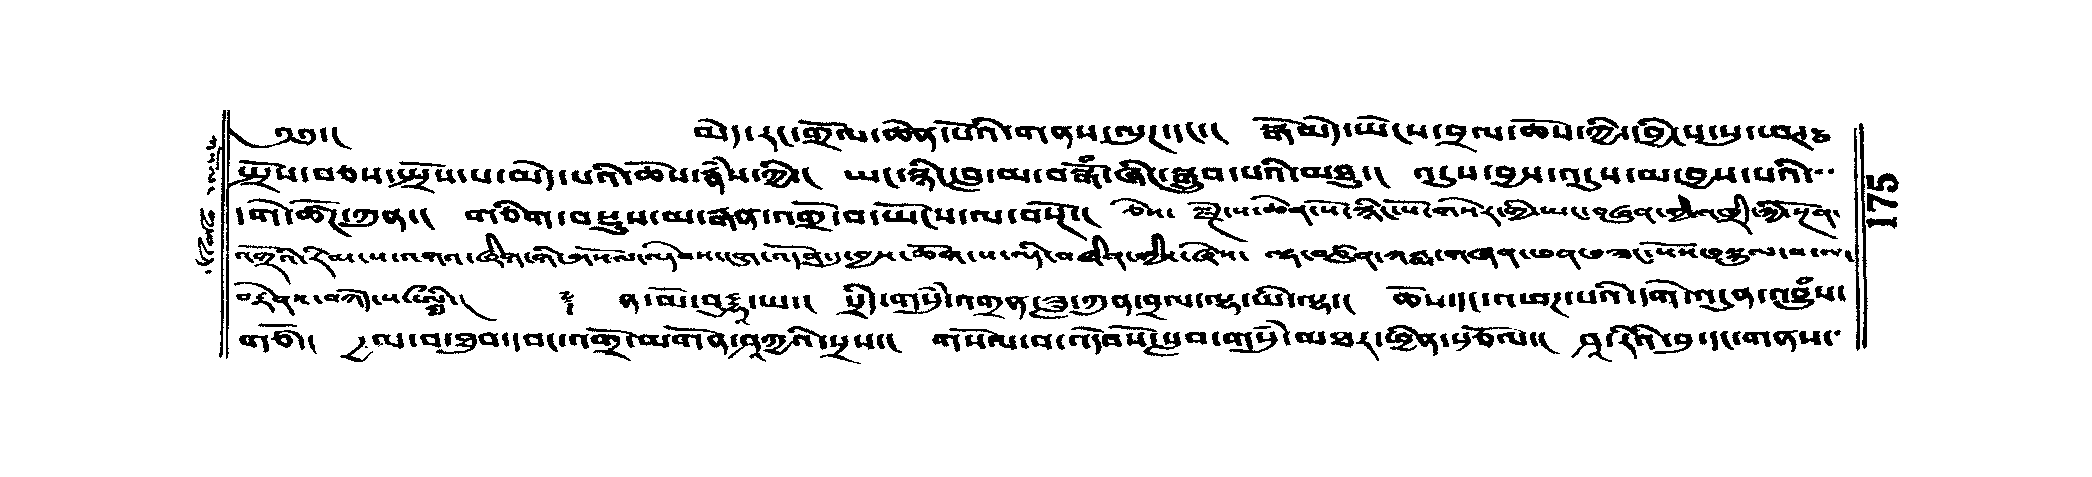མེད་རང་གྲོལ་ཆེན་པོའི་གནས་ལུགས་དང་། །སྒོམ་མེད་ཡེངས་བྲལ་ཆོས་ཀྱི་དབྱིངས་སུ་ཕཊཿ །
སྤྲོས་བཅས་སྤྲོས་པ་མེད་པའི་ཆོས་རྣམས་ཀྱི། །ཡང་སྙིང་བླ་མ་བསྒོམ་ཞིང་སྒྲུབ་པའི་མཐུས། །འདུས་བྱས་འདུས་མ་བྱས་པའི་
དགེ་ཚོགས་ཀུན། །གཅིག་བསྡུས་མ་རྒན་འགྲོ་བ་ཡོངས་ལ་བསྔོ། ཞེས་རྫོགས་པ་ཆེན་པོ་སྙིང་པོ་གསེར་གྱི་ཡང་ཞུན་གྱི་ཁྲིད་ཀྱི་སྔོན་
འགྲོའི་རིམ་པ་འགའ་ཞིག་གི་གསོལ་འདེབས་ངག་འདོན་དུ་བྱས་ཆོག་པ་འདི་བཞིན་གྱིས་ཞེས། ལྷ་བཙུན་ཀརྨ་གཞན་ཕན་བཟང་པོས་བསྐུལ་བ་ལ་
བརྟེན་ནས་བཀོད་པ་།། ༈ ན་མོ་བུདྡྷཱ་ཡ། སྲིད་གསུམ་འགྲན་ཟླ་ཀུན་བྲལ་ལྷ་ཡི་ལྷ། །ཆོས་དང་འཕགས་པའི་དགེ་འདུན་འབྱུང་གནས་
གཙོ། །རྒྱལ་བ་ཐུབ་དབང་འགྲོ་མགོན་ཤཱཀྱའི་སྲས། །གསོལ་བ་འདེབས་སོ་སླབ་གསུམ་མཐར་ཕྱིན་སྩོལ། །ཤཱ་རིའི་བུ་དང་གནས་